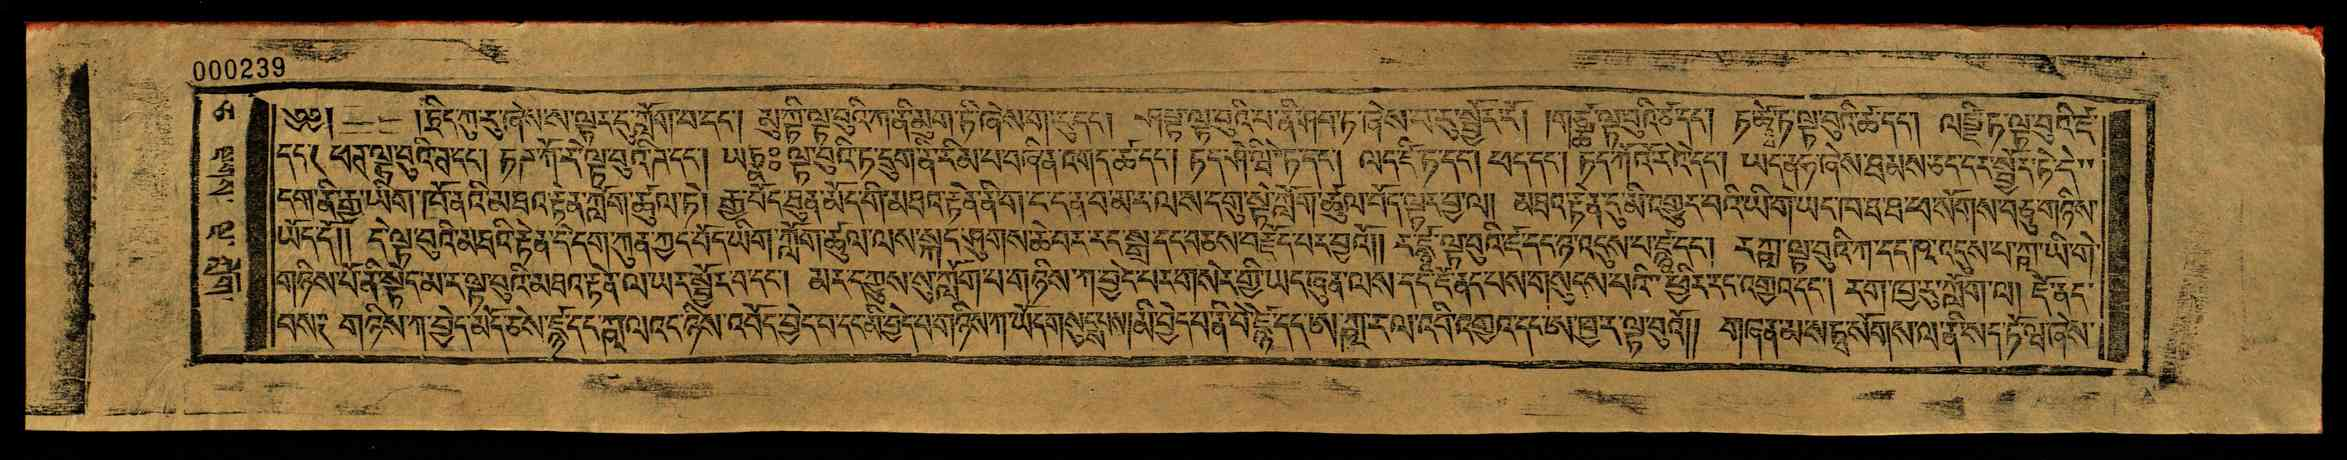༄༅། །ཏྲིང་ཀུ་རུ་ཞེས་ས་ལྟར་དུ་ཀློག་པ་དང་། མུཀྟི་ལྟ་བུའི་ཀ་ན་མུག་ཏི་ཞེས་ག་རུ་དང་། ཤྦྟ་ལྟ་བུའི་པ་ནི་ཤབ་ཏ་ཞེས་པ་རུ་སྦྱར་རོ། །གནྪ་ལྟ་བུའི་ཙ་དང་། ཏཚྴྭ་ཏ་ལྟ་བུའི་ཚ་དང་། ལཛྫི་ཏ་ལྟ་བུའི་ཛ་
དང༑ ཕཌ་ལྟ་བུའི་ཊ་དང་། ཏཌ་ཀོ་རེ་ལྟ་བུའི་ཊ་དང་། ཡཏྣཿ ལྟ་བུའི་ཏ་དྲུག་ན་རིམ་པ་བཞིན་འགང་ཚ་དང་། ཏད་ཤེ་ཝི་ཏ་དང་། ལད་ཛི་ཏ་དང་། ཕན་དང་། ཏད་ཀོའི་རེའེ་དང་། ཡང་ན་ཧ་ཞེས་ཐམས་ཅད་དར་སྦྱོར་ཏེ་དེ་
དག་ནི་རྒྱ་ཡིག་ཁོ་ནའི་མཐའ་རྟེན་ཀློག་ཚུལ་ཏེ། རྒྱ་བོད་ཐུན་མོང་གི་མཐའ་རྟེན་ནི་གང་ངན་བ་མར་ལས་དགུ་སྟེ་ཀློག་ཚུལ་བོད་ལྟར་བྱ་ལ། མཐའ་རྟེན་དུ་མི་འགྱུར་བའི་ཡིག་ཡང་ཁ་ཊཿཨ་ཐ་ཕ་སོགས་བཅུ་གཉིས་
ཡོད་དོ།། དེ་ལྟ་བུའི་མཐའི་རྟེན་དེ་དག་ཀུན་ཀྱང་བོད་ཡིག་ཀློག་ཚུལ་ལས་སྐད་ཤུགས་ཆེ་བར་རང་སྒྲ་ངང་བཅས་བརྗོད་པར་བྱའོ།། རཛྙཱ་ལྟ་བུའི་ཛ་དང་ཉ་འདུས་པ་ཛྙཱ་དང་། རཀྵ་ལྟ་བུའི་ཀ་ངང་ཥ་འདུས་པ་ཀྵ་ཡི་གེ་
གཉིས་པོ་ནི་སྟེང་མར་ལྟ་བུའི་མཐའ་རྟེན་ལ་ཡར་སྦྱོར་བ་དང་། མར་དཀྱུས་སུ་ཀློག་པ་གཉིས་ཀ་བྱེད་པར་གསེར་གྱི་ཡང་ཞུན་ལས་དང་ཛ་ནང་པས་གསུངས་པའི་་་ཕྱིར་རང་འགྱའ་དང་། རག་ཁྱ་རུ་ཀློག་ལ། ཇོ་ནང་
པས༑ གཉིས་ཀ་བྱེད་མོད་ཅེས་ཛྙ་དང་ཀྵ་ལའང་ཉེས་འབོད་བྱེད་པ་དང་མི་བྱེད་པ་གཉིས་ཀ་ཡོད་གསུངས་པས། །མི་བྱེད་པ་ནི་བི་ཛྙ་དང་ཨ་ཀྵ་ར་ལ་འབི་འགྱའ་དང་ཨ་ཁྱར་ལྟ་བུའོ།། གཞན་མ་སཏྭ་སོགས་ལ་ནི་སད་ཏོལ་ཞེས་